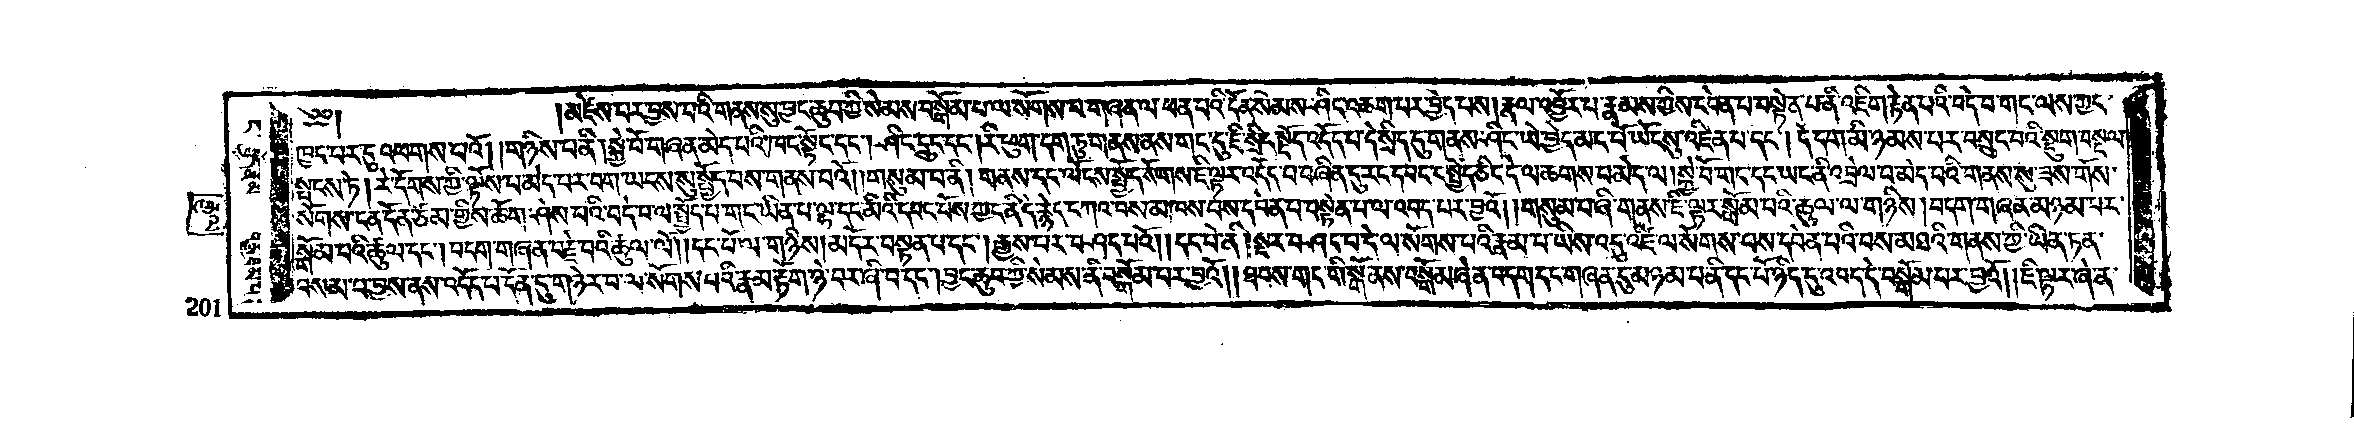༄༅། །མཛེས་པར་བྱས་པའི་གནས་སུ་བྱང་ཆུབ་ཀྱི་སེམས་བསྒོམ་པ་ལ་སོགས་པ་གཞན་ལ་ཕན་པའི་དོན་སེམས་ཤིང་འཆག་པར་བྱེད་པས། རྣལ་འབྱོར་པ་རྣམས་ཀྱིས་དབེན་པ་བསྟེན་པ་ནི་འཇིག་རྟེན་པའི་བདེ་བ་གང་ལས་ཀྱང་
ཁྱད་པར་དུ་འཕགས་པའོ། །གཉིས་པ་ནི། སྐྱེ་བོ་གཞན་མེད་པའི་ཁང་སྟོང་དང་། ཤིང་དྲུང་དང་། རི་ཕུག་དག་ཏུ་གནས་ནས་གང་དུ་ཇི་སྲིད་སྡོད་འདོད་པ་དེ་སྲིད་དུ་གནས་ཤིང་ཡོ་བྱེད་མང་པོ་ཡོངས་སུ་འཛིན་པ་དང་། དེ་དག་མི་ཉམས་པར་བསྲུང་བའི་སྡུག་བསྔལ་
སྤངས་ཏེ། རེ་དགོས་ཀྱི་ལྟོས་པ་མེད་པར་བག་ཡངས་སུ་སྤྱོད་པས་གནས་པའོ། །གསུམ་པ་ནི། གནས་དང་ལོངས་སྤྱོད་སོགས་ཇི་ལྟར་འདོད་པ་བཞིན་དུ་རང་དབང་སྐྱེད་ཅིང་དེ་ལ་ཆགས་པ་མེད་ལ། སྐྱེ་བོ་གང་དང་ཡང་ནི་འབྲེལ་པ་མེད་པའི་གནས་སུ་ཟས་གོས་
སོགས་ངན་དོན་ཙམ་གྱིས་ཆོས་ཤེས་པའི་བདེ་བ་ལ་སྤྱོད་པ་གང་ཡིན་པ་ལྷ་དང་མིའི་དབང་པོས་ཀྱང་ནི་དེ་རྙེད་དཀའ་བས་མཁས་པས་དབེན་པ་བསྟེན་པ་ལ་འབད་པར་བྱའོ། །གསུམ་པ་ཞི་གནས་ཇི་ལྟར་སྒོམ་པའི་ཚུལ་ལ་གཉིས། བདག་ཞན་མཉམ་པར་
སྒོམ་པའི་ཚུལ་དང་། བདག་གཞན་བརྗེ་བའི་ཚུལ་ལོ། །དང་པོ་ལ་གཉིས། མདོར་བསྟན་པ་དང་། རྒྱས་པར་བཤད་པའོ། །དང་པོ་ནི། སྔར་བཤད་པ་དེ་ལས་གོས་པའི་རྣམ་པ་ཡིས་འདུ་འཛི་ལ་སོགས་པས་དབེན་པའི་བསམ་ཐའི?་གནས་ཀྱི་ཡིན་ཏན་
བསམ་པ་བྱས་ནས་འདོད་པ་དོན་དུ་གཉེར་བ་ལ་སོགས་པའི་རྣམ་རྟོག་ཉེ་བར་ཞི་བ་དང་། བྱང་ཆུབ་ཀྱི་སེམས་ནི་བསྒོམ་པར་བྱའོ། །ཐབས་གང་གི་སྒོ་ནས་བསྒོམ་ཞེ་ན་བདག་དང་གཞན་དུ་མཉམ་པ་ནི་དང་པོ་ཉིད་དུ་འབད་དེ་བསྒོམ་པར་བྱའོ། །ཇི་ལྟར་ཞེ་ན།